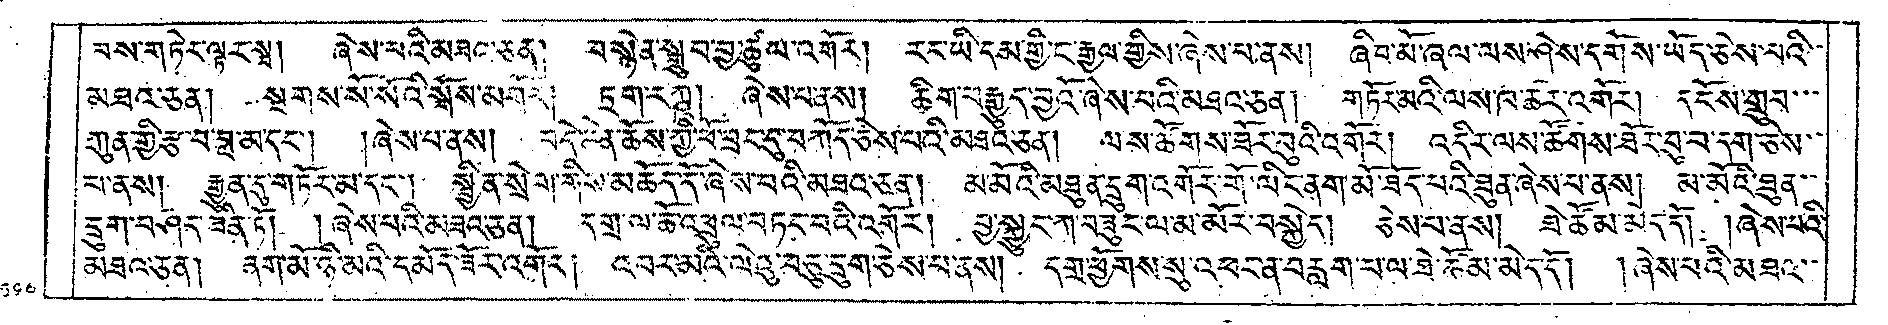བས་གཏེར་ལྟར་སྦ། ཞེས་པའི་མཐའ་ཅན། བསྙེན་སྒྲུབ་བྱ་ཚུལ་འགོར། རང་ཡི་དམ་གྱི་ང་རྒྱལ་གྱིས་ཞེས་པ་ནས། ཞིབ་མོ་ཞལ་ལས་ཤེས་དགོས་ཡོད་ཅེས་པའི་
མཐའ་ཅན། སྔགས་སོ་སོའི་སྒོས་མགོར། ཏྲག་རཀྵ། ཞེས་པ་ནས། ཆིག་བརྒྱུད་བྱའོ་ཞེས་པའི་མཐའ་ཅན། གཏོར་མའི་ལས་ཁ་ཚར་འགོར། དངོས་གྲུབ་
ཀུན་གྱི་རྩ་བ་བླ་མ་དང་། །ཞེས་པ་ནས། བདེ་ཆེན་ཆོས་ཀྱི་ཕོ་བྲང་དུ་བཀོད་ཅེས་པའི་མཐའ་ཅན། ལས་ཚོགས་ཐོར་བུའི་འགོར། འདིར་ལས་ཚོགས་ཐོར་བུ་བ་དག་ཅེས་
པ་ནས། རྒྱུན་དུ་གཏོར་མ་དང་། སྦྱིན་སྲེག་གིས་མཆོད་དོ་ཞེས་པའི་མཐའ་ཅན། མ་མོའི་མཐུན་དྲུག་འགོར་གོ་ལིང་ནག་མོ་ཐོད་པའི་ཐུན་ཞེས་པ་ནས། མ་མོའི་ཐུན་
དྲུག་བཤད་ཟིན་ཏོ། །ཞེས་པའི་མཐའ་ཅན། དགྲ་ལ་ཆོ་འཕྲུལ་བཏང་བའི་འགོར། བྱ་སྐྱུང་ཀ་བཟུང་ལམ་མོར་བསྐྱེད། ཅེས་པ་ནས། ཐེ་ཚོམ་མེད་དོ། །ཞེས་པའི་
མཐའ་ཅན། ནག་མོ་ཉི་མའི་དམོད་ཟོར་འགོར། འབར་མའི་ལེའུ་བཅུ་དྲུག་ཅེས་པ་ནས། དགྲ་ཕྱོགས་སུ་འཕང་ན་བརླག་པ་ལ་ཐེ་ཚོམ་མེད་དོ། །ཞེས་པའི་མཐའ་